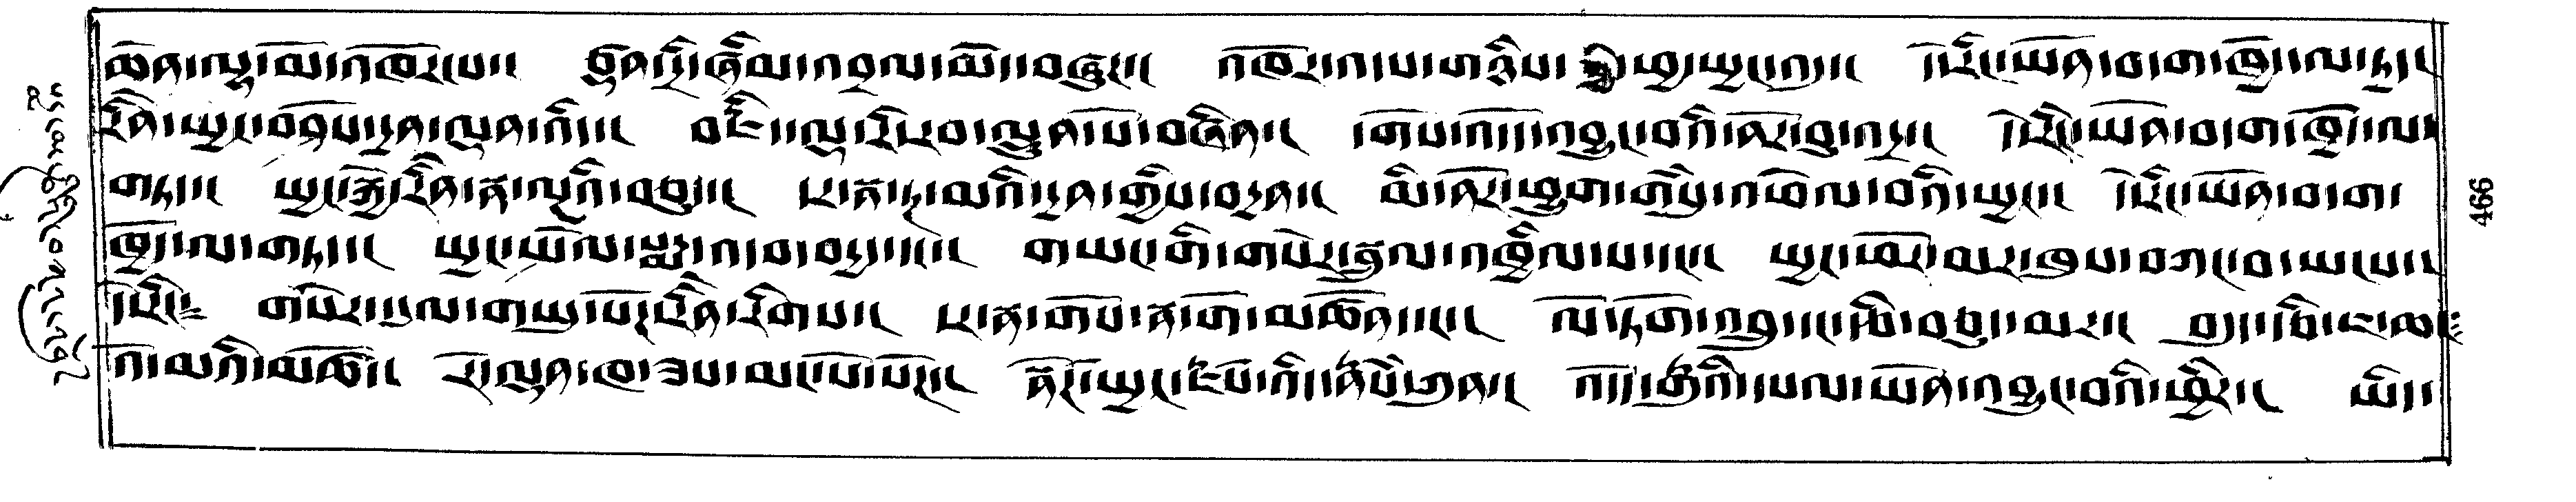ཆེན་ལྷ་མོ་འཁོར་དང་བཅས། །ཙན་དན་དྲི་བཞིན་འབྲལ་མེད་བཞུགས། །འཁོར་འདས་གཉིས་ཀྱི་ཕྱྭ་གཡང་འདུ། །དེ་རིང་ཡོན་བདག་ཁྱོད་ལ་གཏད། 
རིན་ཆེན་གཡང་བཤོས་རྒྱན་ལྡན་འདི། །བརྗིད་ལྡན་རི་རབ་ལྷུན་པོ་བཞིན། །དགོས་འདོད་འབྱུང་བའི་ནོར་བུ་འདྲ། །དེ་རིང་ཡོན་བདག་ཁྱོད་ལ་
གཏད། །གཡང་སྒྱེ་རིན་ཆེན་སྣ་ལྔའི་བཅུད། །དར་སྣ་རྔ་མའི་རྒྱན་གྱིས་བརྒྱན། །མི་ནོར་ཕྱུགས་གསུམ་འཕེལ་བའི་གཡང་། །དེ་རིང་ཡོན་བདག་
ཁྱོད་ལ་གཏད། །གཡངས་སྤེལ་པདྨ་འདབ་བརྒྱད་དང་། །གཡང་གི་གསེར་སྦྲུལ་འཁྱིལ་པ་དང་།གཡང་ཕོར་མར་ཁུས་བཀང་བ་ཡང་། 
དེ་རིང༴ གསེར་དངུལ་གཡུ་སོགས་རིན་ཆེན་རིགས། །དར་སྣ་གོས་སྣ་གོ་མཚོན་དང་། །ལོ་ཏོག་འབྲུ་དང་རྩི་བདུད་མར། །བདུད་རྩི་ཇ་ཆང་
འོ་མའི་མཚོ། །རོ་ལྡན་ཁ་ཟས་མང་པོ་སོགས། །སྣ་ཚོགས་གཡང་རྫས་འདི་རྣམས་ཀུན། །འདོད་རྒུའི་དཔལ་ཡོན་འབྱུང་བའི་ཕྱིར། ཡིད་